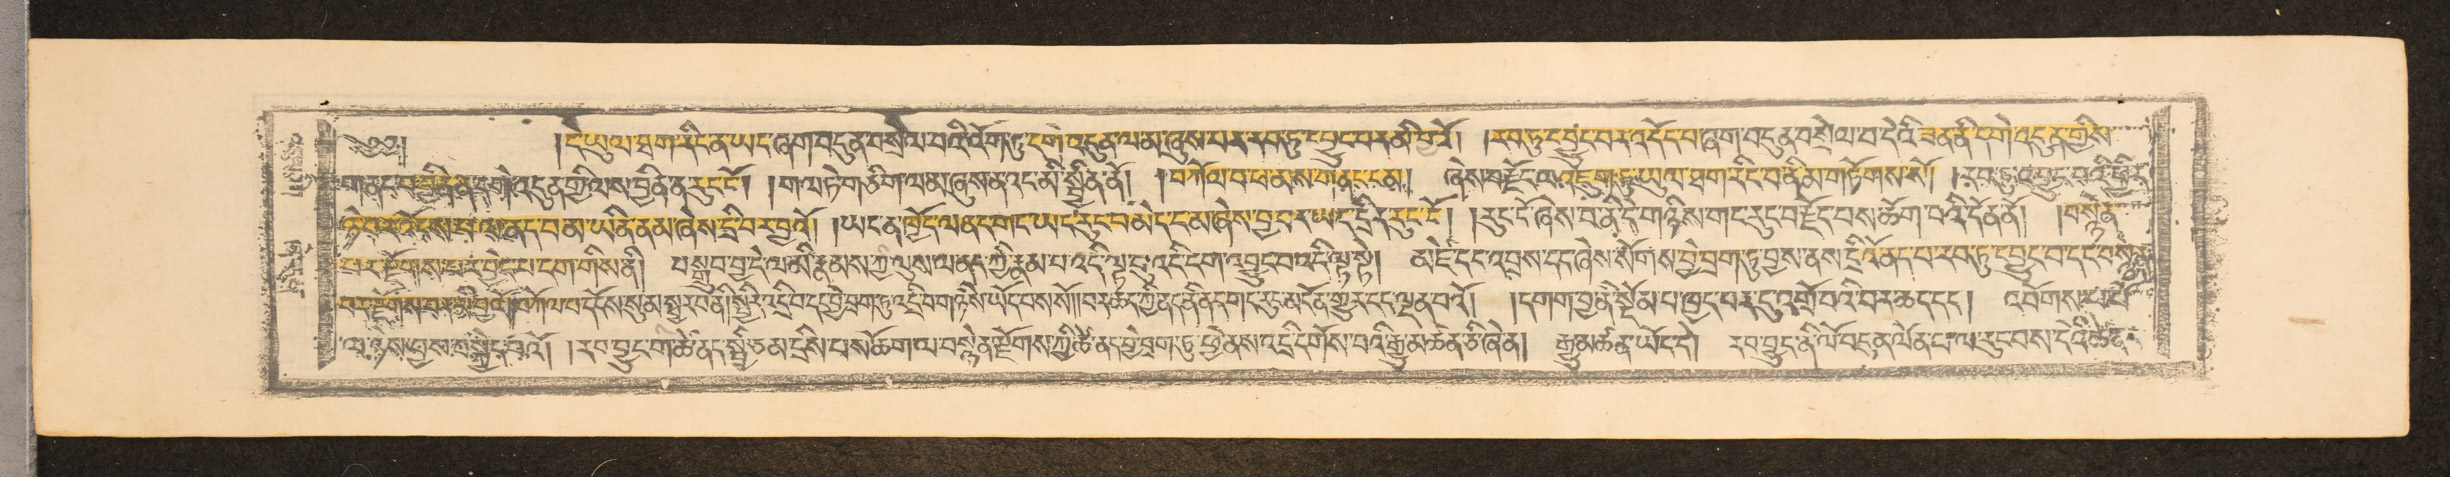༄༅། །དེ་ཡུལ་ཐག་རིང་ན་ཡང་ཞག་བདུན་བསྲེལ་པའི་འོག་ཏུ་དགེ་འདུན་ལ་མ་ཞུས་པར་རབ་ཏུ་དབྱུང་བར་མི་བྱའོ། །རབ་ཏུ་དབྱུང་བར་འདོད་པ་ཞག་བདུན་བསྲེལ་བ་དེའི་ཟན་ནི་དགེ་འདུན་གྱིས་
གནང་པ་བྱིན་ན་དགེ་འདུན་གྱི་ལས་བྱིན་ན་རུང་ངོ། །གལ་ཏེ་གཅིག་ལ་མ་ཞུས་ནའང་མི་སྦྱིན་ནོ། །བཀོལ་པ་ཕ་མས་གནང་དམ། ཞེས་བརྗོད་ལ་འཇུག་ཏུ་ཡུལ་ཐག་རིང་བ་ནི་མ་གཏོགས་སོ། །རབ་ཏུ་འབྱུང་བའི་ཕྱིར་
ཉེ་བར་འོངས་པ་ལ་ནད་པ་མ་ཡིན་ནམ་ཞེས་དྲི་བར་བྱའོ། །ཡང་ན་ཁྱོད་ལ་ནད་གང་ཡང་རུང་བ་མེད་དམ་ཞེས་བྱ་བར་ཡང་དྲིར་རུང་ངོ། །རུང་ངོ་ཞེས་བ་ནི་དེ་གཉིས་གང་རུང་བརྗོད་པས་ཆོག་པའི་དོན་ནོ། །བསྙེན་
པར་རྫོགས་པར་བྱེད་པ་དག་གིས་ནི། བསྒྲུབ་བྱ་དེ་ལ་མི་རྣམས་ཀྱི་ལུས་ལ་ནད་ཀྱི་རྣམ་པ་འདི་ལྟ་བུ་འདི་དག་འབྱུང་བ་འདི་ལྟ་སྟེ། མཛེ་དང་འབྲས་དང་ཞེས་སོགས་བྱེ་བྲག་ཏུ་བྱས་ནས་དྲིའོ་ནད་པ་རབ་ཏུ་དབྱུང་བ་དང་བསྙེན་
བར་རྫོགས་པར་མི་བྱའོ། །བཀོལ་པ་དངོས་སུམ་སྦྱར་བ་ནི། སྤྱིར་འདྲི་བ་དང་བྱེ་བྲག་ཏུ་འདྲི་བ་གཉིས་ཡོད་པས་སོ། །བར་ཆད་ཀྱི་ནད་ནི་ནད་གང་རུང་མངོན་གྱུར་དང་ལྡན་པའོ། །དགག་བྱ་ནི་སྡོམ་པ་ཁྱད་པར་དུ་འགྲོ་བའི་བར་ཆད་དང་། འབོགས་པ་པོ་
ལ་ཉེས་བྱས་བསྐྱེད་པའོ། །རབ་བྱུང་གི་ཚེ་ནད་སྤྱི་ཙམ་དྲིས་པས་ཆོག་ལ་བསྙེན་རྫོགས་ཀྱི་ཚེ་ནད་བྱེ་བྲག་ཏུ་ཕྱེ་ནས་འདྲི་དགོས་པའི་རྒྱུ་མཚན་ཅི་ཞེ་ན། རྒྱུ་མཚན་ཡོད་དེ། རབ་བྱུང་ནི་ལོ་བདུན་ལོན་པ་ལ་རུང་བས་དེའི་ཚེ་ནད་